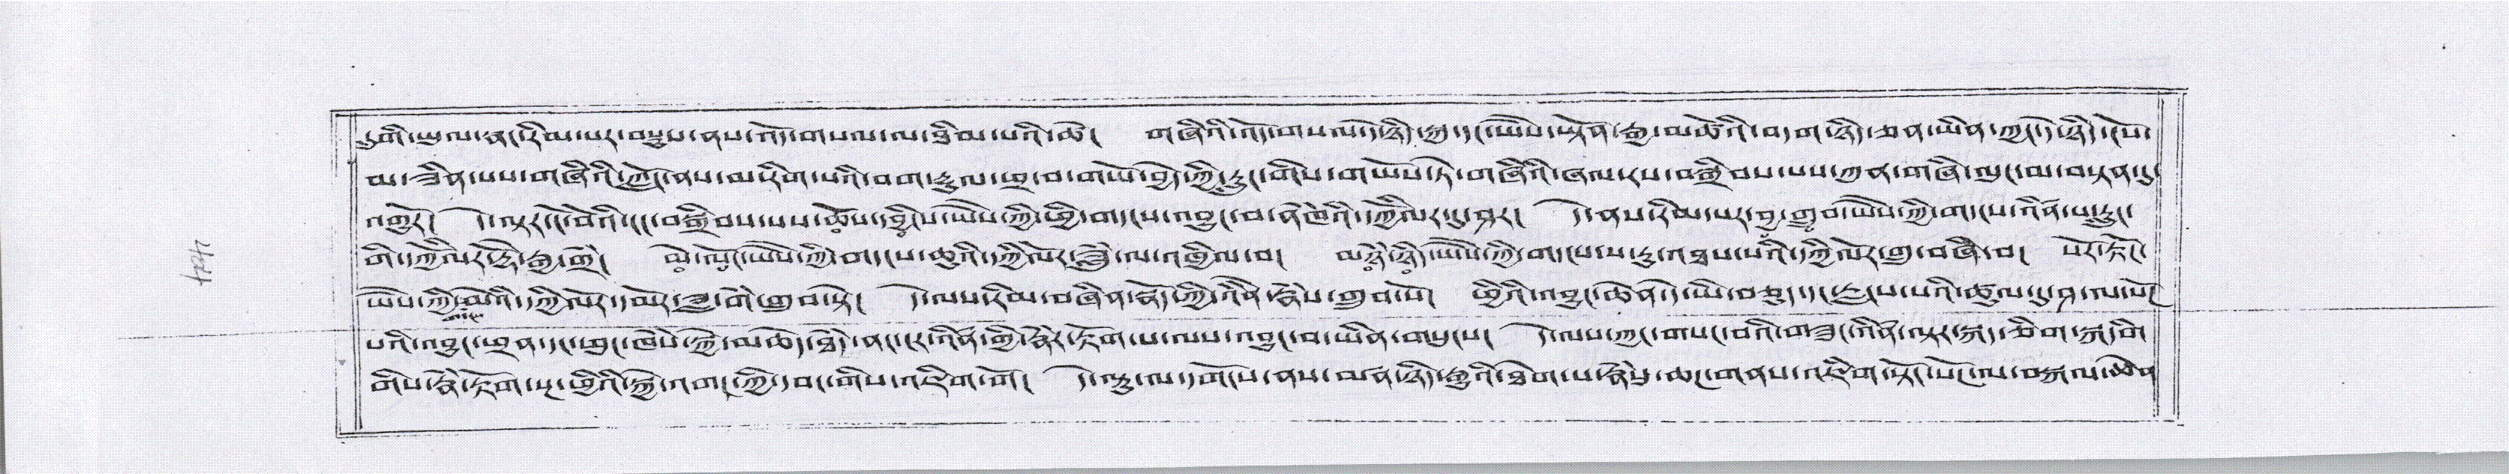དྲུག་གི་ཡུལ་སྣང་རིམ་པར་བསྡུས་ནས་འོད་གསལ་ལ་ཐིམ་པའི་ཚེ། གཞིའི་འོད་གསལ་དེ་ཉིད་སྐུ་དང་ཡེ་ཤེས་ཡོན་ཏན་རྒྱ་མཚོའི་བདག་ཉིད་ཅན་ཡིན་ཀྱང་དེ་ཉིད་ངོས་
མ་ཟིན་པས་གཞིའི་ཀློང་ནས་མ་རིག་པའི་བག་རྡུལ་ཕྲ་བ་གཡོ་བྱེད་ཀྱི་རླུང་གིས་གསོས་ཏེ་གཞིའི་ཞལ་རས་བསྒྲིབས་པས་ཀུན་གཞི་ལུང་མ་བསྟན་དུ་
འགྱུར་རོ། དེ་ལྟར་ངོ་བོའི་ངང་བསྒྲིབས་པས་ཆོས་དབྱིངས་ཡེ་ཤེས་ཕྱི་གདང་འབྱུང་བ་ནམ་མཁའི་དཀྱིལ་འཁོར་དུ་ཤར། དེ་ནས་རིམ་པར་བྱ་གྲུབ་ཡེ་ཤེས་ཀྱི་གདངས་འཛིན་ས་རླུང་
གི་དཀྱིལ་འཁོར་རྡོ་རྗེ་རྒྱ་གྲམ། མེ་ལོང་ཡེ་ཤེས་ཀྱི་ཀློང་ཆུ་ཡི་དཀྱིལ་འཁོར་ཟླུམ་ལ་འཁྱིལ་བ། མཉམ་ཉིད་ཡེ་ཤེས་ཀྱི་གདང་ས་ལ་འཐས་པའི་དཀྱིལ་འཁོར་གྲུ་བཞི་པ། སོར་རྟོགས་
ཡེ་ཤེས་ཀྱི་གདང་མེ་ཡི་དཀྱིལ་འཁོར་དམར་པོ་ཟླ་གམ་གྲུབ་སྟེ། དེ་ལས་རིམ་བཞིན་སྣོད་ཀྱི་འཇིག་རྟེན་རྣམས་གྲུབ་བོ། ཕྱིའི་འབྱུང་ཆེན་དེ་ཡི་བཅུད་དང་རླངས་པའི་ཚུལ་དུ་ཤ་ལ་སོགས་
པའི་འབྱུང་ཕྲན་དང་ཕུང་ཁམས་སྐྱེ་མཆེད་ཐམས་ཅད་ནང་ངར་འཛིན་གྱི་རྣམ་པར་རྟོག་པ་ལས་འབྱུང་བ་ཡིན་གསུངས། དེ་ལས་ཀྱང་གསང་བའི་གཟུང་འཛིན་ལྟར་སྐད་ཅིག་སྐད་ཅིག་
གིས་རྣམ་རྟོག་སྔ་ཕྱིའི་སྐྱེ་འགག་གིས་འཇིག་གོ དེ་ལྟ་བུ་དགོངས་ནས་མཚན་ཉིད་རྒྱུ་ཡི་ཐེག་པ་རྣམས་སུ་ཆགས་གནས་འཇིག་སྟོང་སོགས་ལ་བསྐལ་ཆེན་